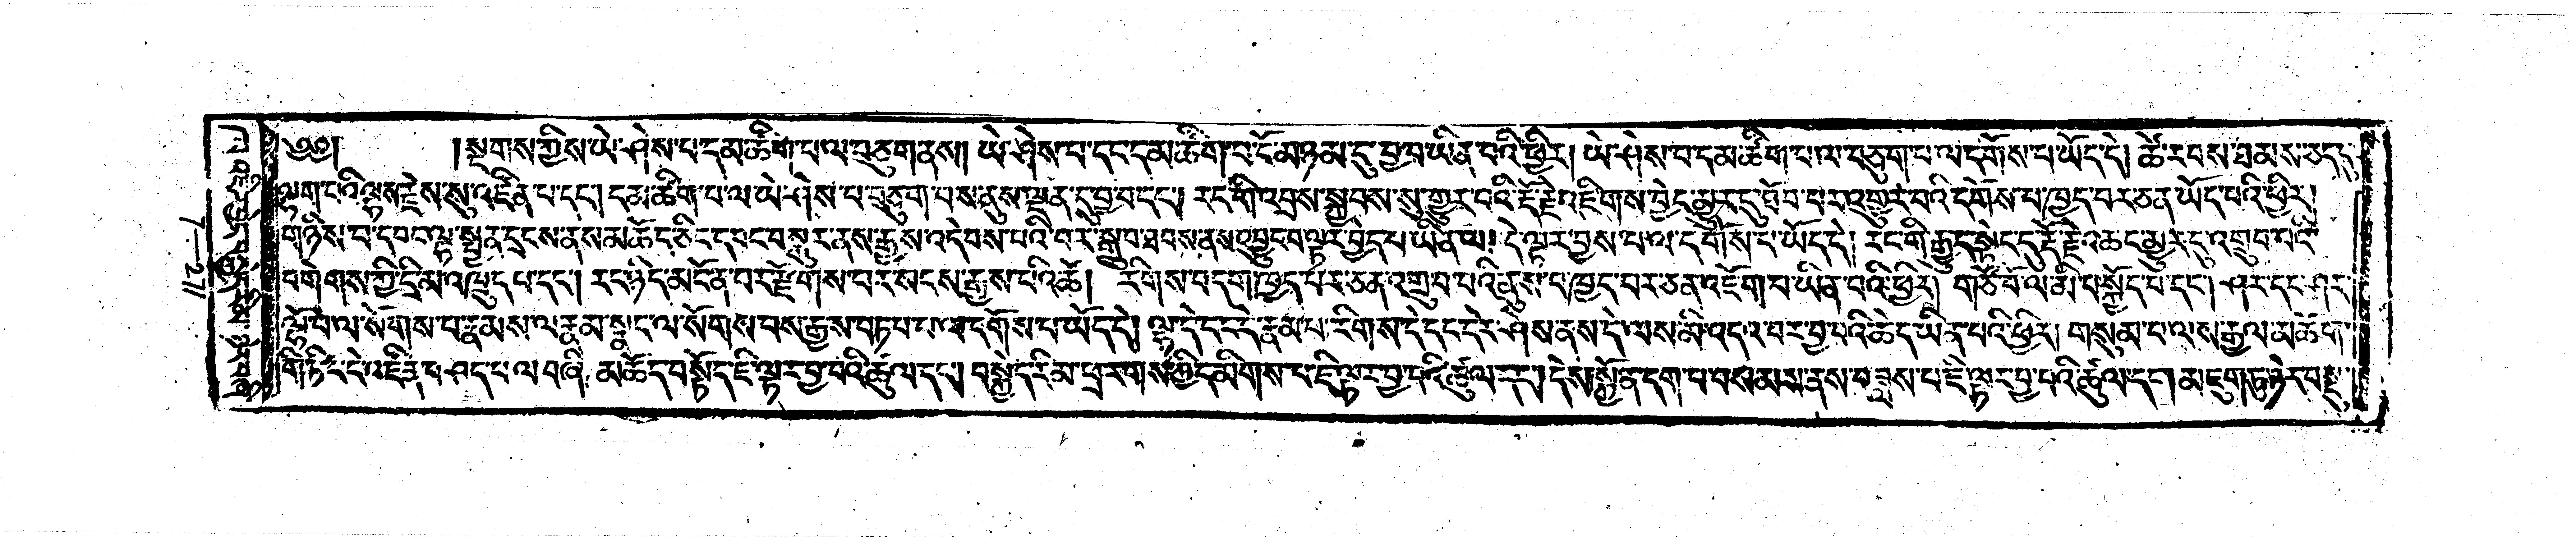༄༅། །སྔགས་ཀྱིས་ཡེ་ཤེས་པ་དམ་ཚིག་པ་ལ་བཅུག་ནས། ཡེ་ཤེས་པ་དང་དམ་ཚིག་པ་རོ་མཉམ་དུ་བྱ་བ་ཡིན་པའི་ཕྱིར། ཡེ་ཤེས་པ་དམ་ཚིག་པ་ལ་བཅུག་པ་ལ་དགོས་པ་ཡོད་དེ། ཚེ་རབས་ཐམས་ཅད་དུ་
ལྷག་པའི་ལྷས་རྗེས་སུ་འཛིན་པ་དང་། དམ་ཚིག་པ་ལ་ཡེ་ཤེས་པ་བཅུག་པས་ནུས་ལྡན་དུ་བྱ་བ་དང་། རང་གི་འབྲས་སྐྱབས་སུ་གྱུར་པའི་རྡོ་རྗེ་འཇིགས་བྱེད་མྱུར་དུ་ཐོབ་པར་འགྱུར་བའི་དགོས་པ་ཁྱད་པར་ཅན་ཡོད་པའི་ཕྱིར།
གཉིས་པ་དབང་ལྷ་སྤྱན་དྲངས་ནས་མཆོད་ཅིང་དབང་བསྐུར་ནས་རྒྱས་འདེབས་པའི་བར་སྒྲུབ་ཐབས་ནས་འབྱུང་བ་ལྟར་བྱེད་པ་ཡིན་ལ། དེ་ལྟར་བྱས་པ་ལ་དགོས་པ་ཡོད་དེ། རང་གི་རྒྱུད་སྟེང་དུ་རྡོ་རྗེ་འཆང་མྱུར་དུ་འགྲུབ་པའི་
བགེགས་ཀྱི་དྲི་མ་འཁྲུད་པ་དང་། རང་ཉིད་མངོན་པར་རྫོགས་པར་སངས་རྒྱས་པའི་ཚེ། རིགས་བདག་ཁྱད་པར་ཅན་འགྲུབ་པའི་ནུས་པ་ཁྱད་པར་ཅན་འཇོག་པ་ཡིན་པའི་ཕྱིར། གཙོ་བོ་ལ་མི་བསྐྱོད་པ་དང་། ཤར་རང་ཤར་
ལྷོ་བ་ལ་སོགས་པ་རྣམས་ལ་རྣམ་སྣང་ལ་སོགས་པས་རྒྱས་བཏབ་པ་ལ་དགོས་པ་ཡོད་དེ། ལྷ་དེ་དང་དེ་རྣམས་རིགས་དེ་དང་དེར་ཤེས་ནས་དེ་ལས་མི་འདའ་བར་བྱ་བའི་ཆེད་ཡིན་པའི་ཕྱིར། གསུམ་པ་ལས་རྒྱལ་མཆོག་
གི་ཏིང་ངེ་འཛིན་བཤད་པ་ལ་བཞི། མཆོད་བསྟོད་ཇི་ལྟར་བྱ་བའི་ཚུལ་དང་། བསྐྱེད་རིམ་ཕྲ་རགས་ཀྱི་དམིགས་པ་ཇི་ལྟར་བྱ་བའི་ཚུལ་དང་། དེས་སྐྱོན་དག་པ་བསམས་ནས་བཟླས་པ་ཇི་ལྟར་བྱ་བའི་ཚུལ་དང་། མཇུག་ཏུ་ཉེར་བསྡུ་